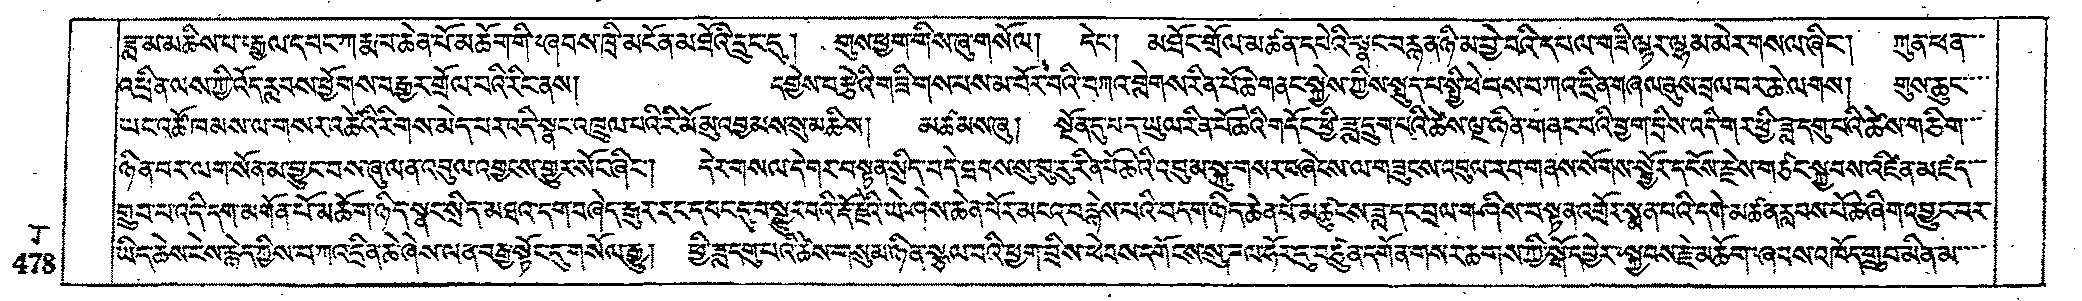ཟླ་མ་མཆིས་པ ༧རྒྱལ་དབང་ཀརྨ་པ་ཆེན་པོ་མཆོག་གི ༧ཞབས་ཁྲི་མངོན་མཐོའི་དྲུང་དུ། གུས་ཕྱག་གིས་ཞུ་གསོལ། དེང་། མཐོང་གྲོལ་མཚན་དཔེའི་སྣང་བརྙན་ཉི་མ་བྱེ་བའི་དཔལ་གཟི་ལྟར་ལྷམ་མེར་གསལ་ཞིང་། ཀུན་ཕན་་་
འཕྲིན་ལས་ཀྱི་འོད་རླབས་ཕྱོགས་བརྒྱར་གྲོལ་པའི་རིང་ནས། དགྱེས་བརྩེའི་གཟིགས་པས་མ་བོར་བའི་བཀའ་གླེགས་རིན་པོ་ཆེ་གནང་སྐྱེས་ཀྱིས་སྤུད་པ་སྤྱི་ཕེབས་བཀའ་དྲིན་གཞལ་ནུས་བྲལ་བར་ཆེ་ལགས། གུས་ཆུང་་་
ཡང་འཚོ་ཁམས་ལ་གསར་འཚེའི་རིགས་མེད་པར་འདི་སྣང་འཁྲུལ་པའི་རི་མོ་མུ་འབྱམས་སུ་མཆིས། མཚམས་ཞུ། སྔོན་དུ་པད་ཡུལ་རིན་པོ་ཆེའི་གདོང་ཕྱི་ཟླ་དྲུག་པའི་ཚེས་ལྔ་ཉིན་གནང་བའི་ཕྱག་བྲིས་འདི་གར་ཕྱི་ཟླ་དགུ་པའི་ཚེས་གཅིག་་་
ཉིན་བར་ལག་སོན་མ་བྱུང་བས་ཞུ་ལན་འབུལ་འགྱངས་གྱུར་སོང་ཞིང་། དེར་གསལ་དེ་གར་བསྟན་སྲིད་བདེ་ཐབས་སུ་གུ་རུ་རིན་པོ་ཆེའི་འབུམ་སྐུ་གསར་བཞེངས་ལ་གཟུངས་འབུལ་རབ་གནས་སོགས་སྦྱོར་དངོས་རྗེས་གཙང་སྐྱབས་འཛིན་མཛད་་་
གྲུབ་པ་འདི་དག་མགོན་པོ་མཆོག་ཉིད་སྣང་སྲིད་མཐའ་དག་བཞེད་རྒུར་རང་དབང་དུ་བསྒྱུར་བའི་རྡོ་རྗེའི་ཡེ་ཤེས་ཆེན་པོར་མངའ་བརྙེས་པའི་བདག་ཉིད་ཆེན་པོ་མཚུངས་ཟླ་དང་བྲལ་གཤིས་བསྟན་འགྲོར་སྨན་པའི་དགེ་མཚན་རླབས་པོ་ཆེ་ཞིག་འབྱུང་བར་
ཡིད་ཆེས་ངེས་རྙེད་ཀྱིས་བཀའ་དྲིན་ཆེ་ཞེས་ལན་བརྒྱ་སྟོང་དུ་གསོལ་རྒྱུ། ཕྱི་ཟླ་དགུ་པའི་ཚེས་གསུམ་ཉིན་སྩལ་བའི་ཕྱག་བྲིས་ཕེབས་དགོངས་སུ་ཌལ་ཧོར་དུ་བཙུན་དགོན་གསར་ཆགས་ཀྱི་སྒོ་དབྱེར ༧སྐྱབས་རྗེ་མཆོག ༧ཞབས་འཁོད་གྲུབ་མིན་མ་་་